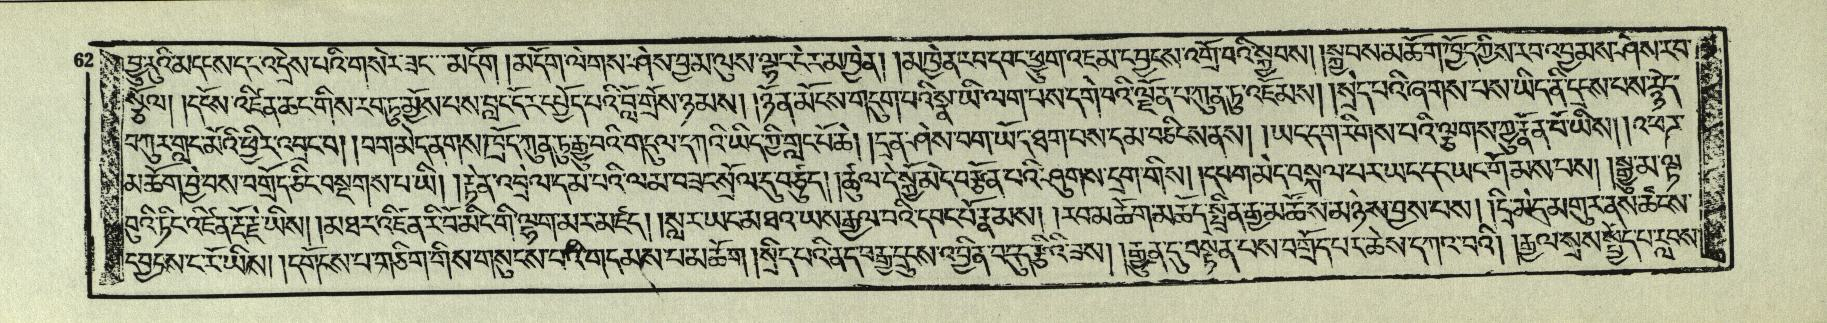བྱུ་རུའི་མདངས་དང་འདྲེས་པའི་གསེར་ཟང་མདོག །མདོག་ལེགས་ཤེས་བྱ་མ་ལུས་ལྷང་ངེར་མཁྱེན། །མཁྱེན་རབ་དབང་ཕྱུག་འཇམ་དབྱངས་འགྲོ་བའི་སྐྱབས། །སྐྱབས་མཆོག་ཁྱོད་ཀྱིས་རབ་འབྱམས་ཤེས་རབ་
སྩོལ། །དངོས་འཛིན་ཆང་གིས་རབ་ཏུ་མྱོས་པས་བླང་དོར་དཔྱོད་པའི་བློ་གྲོས་ཉམས། །ཉོན་མོངས་གདུག་པའི་སྣ་ཡི་ལག་པས་དགེ་བའི་ལྗོན་པ་ཀུན་ཏུ་འཇོམས། །སྲེད་པའི་ཞགས་པས་ཡིད་ནི་དྲངས་པས་རྙེད་
བཀུར་གླང་མོའི་ཕྱིར་འབྲང་བ། །བག་མེད་ནགས་ཁྲོད་ཀུན་ཏུ་རྒྱུ་བའི་གདུལ་དཀའི་ཡིད་ཀྱི་གླང་པོ་ཆེ། །དྲན་ཤེས་བག་ཡོད་ཐག་བས་དམ་བཅིངས་ནས། །ཡང་དག་རིགས་པའི་ལྕགས་ཀྱུ་རྣོན་པོ་ཡིས། །འཕཌ་
མཆོག་བྱེ་བས་བགྲོད་ཅིང་བསྡགས་པ་ཡི། །རྟེན་འབྲེལ་དམ་པའི་ལམ་བཟང་སྲོལ་དུ་བཙུད། །ཚུལ་དེ་སྐྱོ་མེད་བརྩོན་པའི་ཤུགས་དྲག་གིས། །དཔག་མེད་བསྐལ་པར་ཡང་དང་ཡང་གོམས་པས། །སྒྱུ་མ་ལྟ་
བུའི་ཏིང་འཛིན་རྡོ་རྗེ་ཡིས། །མཐར་འཛིན་རི་བོ་མིང་གི་ལྷག་མར་མཛད། །སླར་ཡང་མཐའ་ཡས་རྒྱལ་བའི་དབང་པོ་རྣམས། །རབ་མཆོག་མཆོད་སྤྲིན་རྒྱ་མཚོས་མཉེས་བྱས་པས། །དྲི་མེད་མགུར་ནས་ཚངས་
དབྱངས་ང་རོ་ཡིས། །དགོངས་པ་གཅིག་གིས་གསུངས་པའི་གདམས་པ་མཆོག །སྲིད་པའི་ནད་བརྒྱ་དྲུངས་འབྱིན་བདུད་རྩིའི་ཟས། །རྒྱུན་དུ་བསྟན་པས་བགྲོད་པར་ཆེས་དཀའ་བའི། །རྒྱལ་སྲས་སྦྱོད་པ་རླབས་